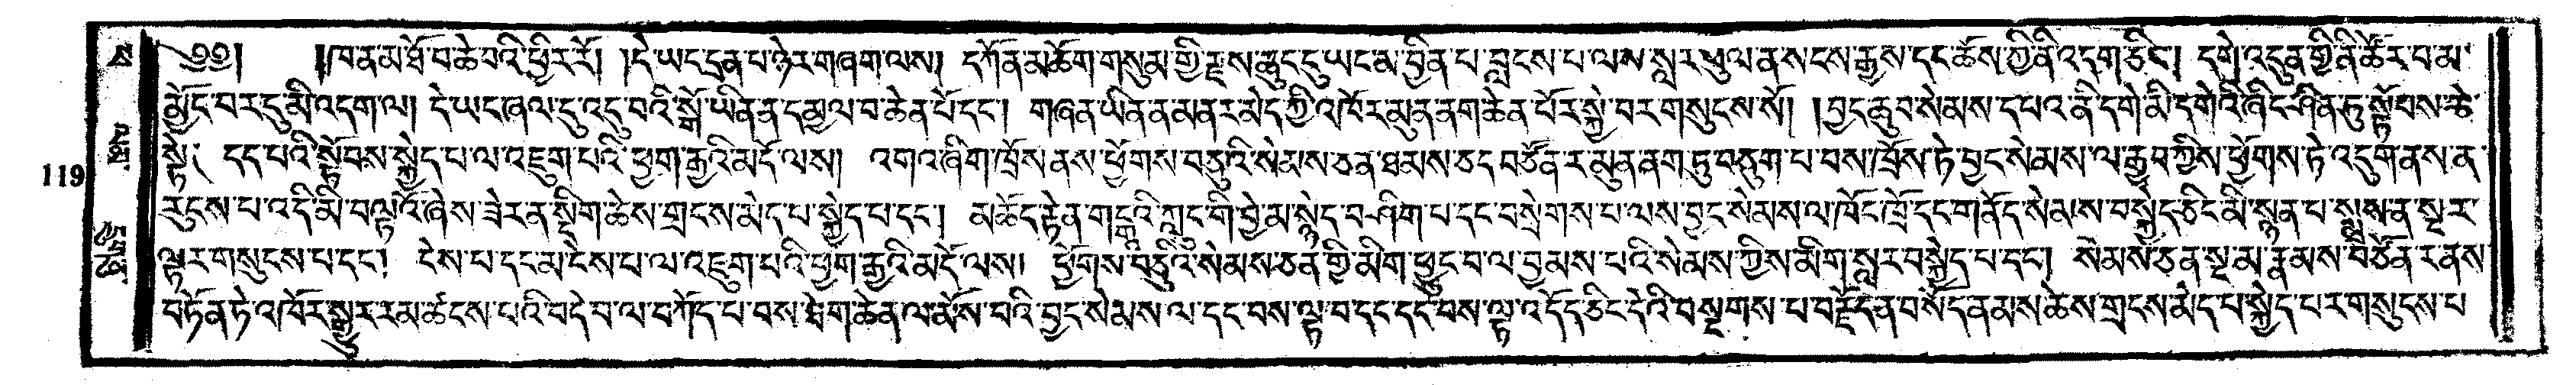༄༅། །ཁ་ན་མ་ཐོ་བ་ཆེ་བའི་ཕྱིར་རོ། །དེ་ཡང་དྲན་པ་ཉེར་གཞག་ལས། དཀོན་མཆོག་གསུམ་གྱི་རྫས་ཆུང་དུ་ཡང་མ་བྱིན་པ་བླངས་པ་ལས་སླར་ཕུལ་ན་སངས་རྒྱས་དང་ཆོས་ཀྱི་ནི་འདག་ཅིང་། དགེ་འདུན་གྱི་ནི་ཚོར་བ་མ་
མྱོང་བར་དུ་མི་འདག་ལ། དེ་ཡང་ཞལ་དུ་འདུ་བའི་སྒོ་ཡིན་ན་དམྱལ་བ་ཆེན་པོ་དང་། གཞན་ཡིན་ན་མནར་མེད་ཀྱི་འཁོར་མུན་ནག་ཆེན་པོར་སྐྱེ་བར་གསུངས་སོ། །བྱང་ཆུབ་སེམས་དཔའ་ནི་དགེ་མི་དགེའི་ཞིང་ཤིན་ཏུ་སྟོབས་ཆེ་
སྟེ༑ དད་པའི་སྟོབས་སྐྱེད་པ་ལ་འཇུག་པའི་ཕྱག་རྒྱའི་མདོ་ལས། འགའ་ཞིག་ཁྲོས་ནས་ཕྱོགས་བཅུའི་སེམས་ཅན་ཐམས་ཅད་བཙོན་ར་མུན་ནག་ཏུ་བཅུག་པ་བས་ཁྲོས་ཏེ་བྱང་སེམས་ལ་རྒྱབ་ཀྱིས་ཕྱོགས་ཏེ་འདུག་ནས་ན་
རུངས་པ་འདི་མི་བལྟའོ་ཞེས་ཟེར་ན་སྡིག་ཆེས་གྲངས་མེད་པ་སྐྱེད་པ་དང་། མཆོད་རྟེན་གངཱའི་ཀླུང་གི་བྱེ་མ་སྙེད་བཤིག་པ་དང་བསྲེགས་པ་ལས་བྱང་སེམས་ལ་ཁོང་ཁྲོ་དང་གནོད་སེམས་ལ་བསྐྱེད་ཅིང་མི་སྙན་པ་སྨྲས་ན་སྔར་
ལྟར་གསུངས་པ་དང་། ངེས་པ་དང་མ་ངེས་པ་ལ་འཇུག་པའི་ཕྱག་རྒྱའི་མདོ་ལས། ཕྱོགས་བཅུའི་སེམས་ཅན་གྱི་མིག་ཕྱུང་བ་ལ་བྱམས་པའི་སེམས་ཀྱིས་མིག་སླར་བསྐྱེད་པ་དང་། སེམས་ཅན་སྔ་མ་རྣམས་བརྩོན་ར་ནས་
བཏོན་ཏེ་འཁོར་སྒྱུར་རམ་ཚངས་པའི་བདེ་བ་ལ་བཀོད་པ་བས་ཐེག་ཆེན་ལ་མོས་པའི་བྱང་སེམས་ལ་དང་བས་ལྟ་བ་དང་དང་བས་ལྟ་འདོད་ཅིང་དེའི་བསྔགས་པ་བརྗོད་ན་བསོད་ནམས་ཆེས་གྲངས་མེད་པ་སྐྱེད་པར་གསུངས་པ་